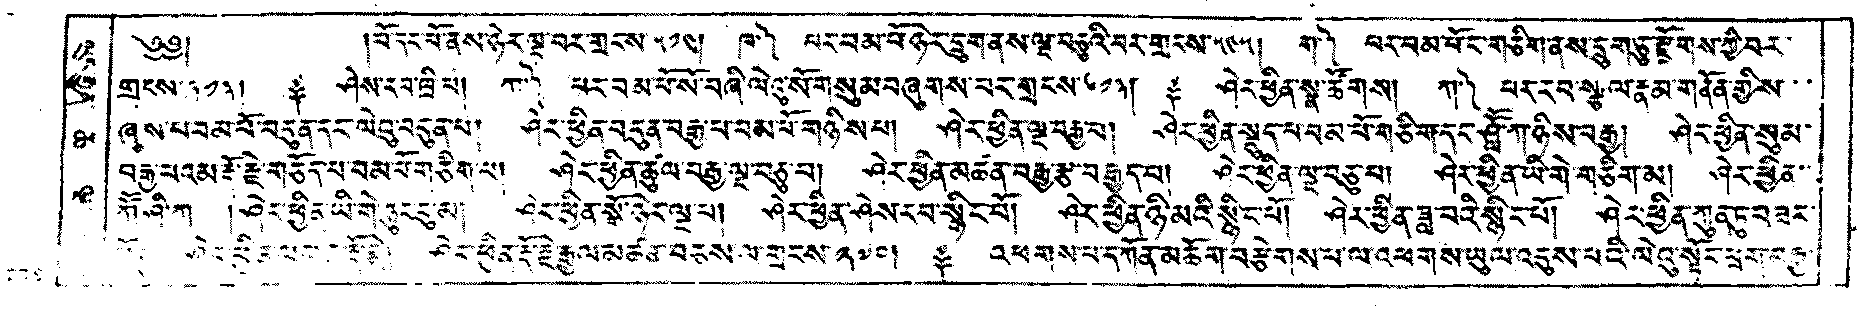༄༅། །པོ་དང་པོ་ནས་ཉེར་ལྔ་བར་གྲངས ༥༡༤། ཁ༼་པར་བམ་པོ་ཉེར་དྲུག་ནས་ལྔ་བཅུའི་བར་གྲངས ༥༤༥། ག༽ པར་བམ་པོ་ང་གཅིག་ནས་དྲུག་ཅུ་རྫོགས་ཀྱི་བར་
གྲངས ༢༡༣། ༈ ཤེས་རབ་ཁྲི་པ། ཀ༼་པར་བམ་པོ་སོ་བཞི་ལེའུ་སོ་གསུམ་བཞུགས་པར་གྲངས ༦༡༣། ༈ ཤེར་ཕྱིན་སྣ་ཚོགས། ཀ༽ པར་རབ་སྩལ་རྣམ་གནོན་གྱིས་
ཞུས་པ་བམ་པོ་བདུན་དང་ལེའུ་བདུན་པ། ཤེར་ཕྱིན་བདུན་བརྒྱ་པ་བམ་པོ་གཉིས་པ། ཤེར་ཕྱིན་ལྔ་བརྒྱ་པ། ཤེར་ཕྱིན་སྡུད་པ་བམ་པོ་གཅིག་དང་ཤླཽ་ཀ་ཉིས་བརྒྱ། ཤེར་ཕྱིན་སུམ་
བརྒྱ་པའམ་རྡོ་རྗེ་གཅོད་པ་བམ་པོ་གཅིག་པ། ཤེར་ཕྱིན་ཚུལ་བརྒྱ་ལྔ་བཅུ་པ། ཤེར་ཕྱིན་མཚན་བརྒྱ་རྩ་བརྒྱད་པ། ཤེར་ཕྱིན་ལྔ་བཅུ་པ། ཤེར་ཕྱིན་ཡི་གེ་གཅིག་མ། ཤེར་ཕྱིན་
ཀཽ་ཤི་ཀ །ཤེར་ཕྱིན་ཡི་གེ་ཉུང་ངུ་མ། ཤེར་ཕྱིན་སྒོ་ཉེར་ལྔ་པ། ཤེར་ཕྱིན་ཤེས་རབ་སྙིང་པོ། ཤེར་ཕྱིན་ཉི་མའི་སྙིང་པོ། ཤེར་ཕྱིན་ཟླ་བའི་སྙིང་པོ། ཤེར་ཕྱིན་ཀུན་ཏུ་བཟང་
པོ༑ ཤེར་ཕྱིན་ལག་ན་རྡོ་རྗེ། ཤེར་ཕྱིན་རྡོ་རྗེ་རྒྱལ་མཚན་བཅས་ལ་གྲངས ༢༧༠། ༈ འཕགས་པ་དཀོན་མཆོག་བརྩེགས་པ་ལ་འཕགས་ཡུལ་འདུས་པའི་ལེའུ་སྟོང་ཕྲག་བརྒྱ་